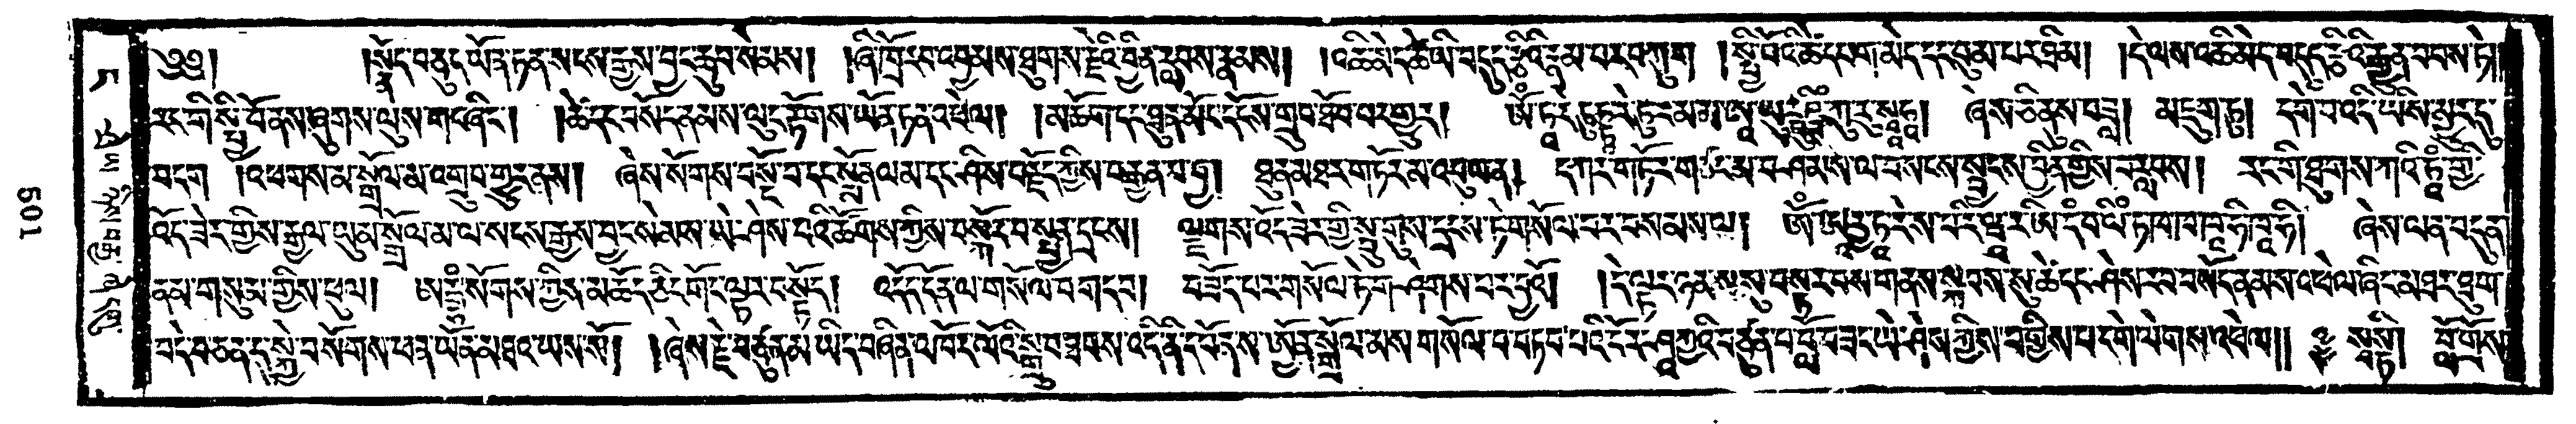༄༅། །སྣོད་བཅུད་ཡོན་ཏན་སངས་རྒྱས་བྱང་ཆུབ་སེམས། །ཞི་ཁྲོ་རབ་འབྱམས་ཐུགས་རྗེའི་བྱིན་རླབས་རྣམས། །འཆི་མེད་ཚེ་ཡི་བདུད་རྩིའི་རྣམ་པར་བཀུག །སྤྱི་བོའི་ཚེ་དཔག་མེད་དང་བུམ་པར་ཐིམ། །དེ་ལས་འཆི་མེད་བདུད་རྩིའི་རྒྱུན་བབས་ཏེ།།
རང་གི་སྤྱི་བོ་ནས་ཞུགས་ལུས་གང་ཞིང་། །ཚེ་དང་བསོད་ནམས་ལུང་རྟོགས་ཡོན་ཏན་འཕེལ། །མཆོག་དང་ཐུན་མོང་དངོས་གྲུབ་ཐོབ་པར་གྱུར། ཨོཾ་ཏཱ་རེ་ཏུཏྟཱ་རེ་ཏུ་ར་མ་མ་ཨཱ་ཡུརྦུབྚིཾ་ཀུ་རུ་སྭཱཧཱ། ཞེས་ཅི་ནུས་བཟླ། མཇུག་ཏུ། དགེ་བ་འདི་ཡིས་མྱུར་དུ་
བདག །འཕགས་མ་སྒྲོལ་མ་འགྲུབ་གྱུར་ནས། ཞེས་སོགས་བསྔོ་བ་དང་སྨོན་ལམ་དང་ཤིས་བརྗོད་ཀྱིས་བརྒྱན་པ་བྱ། ཐུན་མཐར་གཏོར་མ་འབུལ་ན། དཀར་གཏོར་གཙང་མ་བཤམས་ལ་བསངས་སྦྱངས་བྱིན་གྱིས་བརླབས། རང་གི་ཐུགས་ཀའི་ཏཱཾ་གྱི་
འོད་ཟེར་གྱིས་རྒྱལ་ཡུམ་སྒྲོལ་མ་ལ་སངས་རྒྱས་བྱང་སེམས་ཡེ་ཤེས་པའི་ཚོགས་ཀྱིས་བསྐོར་བ་སྤྱན་དྲངས། ལྗགས་འོད་ཟེར་གྱི་སྤུ་གུས་དྲངས་ཏེ་གསོལ་བར་བསམས་ལ། ཨོཾ་ཨཱརྱ་ཏཱ་རེ་ས་པ་རི་ཝཱ་ར་ཨི་དཾ་བ་ལིཾ་ཏ་ཁ་ཁ་ཁཱ་ཧི་ཁཱ་ཧི། ཞེས་ལན་བདུན་
ནམ་གསུམ་གྱིས་ཕུལ། ཨརྒྷཾ་སོགས་ཀྱིས་མཆོད་ཅིང་གོང་ལྟར་བསྟོད། འདོད་དོན་ལ་གསོལ་བ་གདབ། བཟོད་པར་གསོལ་ཏེ་གཤེགས་པར་བྱའོ། །དེ་ལྟར་ཉམས་སུ་བསྟར་བས་གནས་སྐབས་སུ་ཚེ་དང་ཤེས་རབ་བསོད་ནམས་འཕེལ་ཞིང་མཐར་ཐུག་
བདེ་བ་ཅན་དུ་སྐྱེ་བ་སོགས་ཕན་ཡོན་མཐའ་ཡས་སོ། །ཞེས་རྗེ་བཙུན་མ་ཡིད་བཞིན་འཁོར་ལོའི་སྒྲུབ་ཐབས་འདི་ནི་དཔོན་ས་ཨཡོན་སྒྲོལ་མས་གསོལ་བ་བཏབ་པའི་ངོར་ཤཱཀྱའི་བཙུན་པ་བློ་བཟང་ཡེ་ཤེས་ཀྱིས་བགྱིས་པ་དགེ་ལེགས་འཕེལ། །༈ སྭསྟི། བློ་གྲོས་